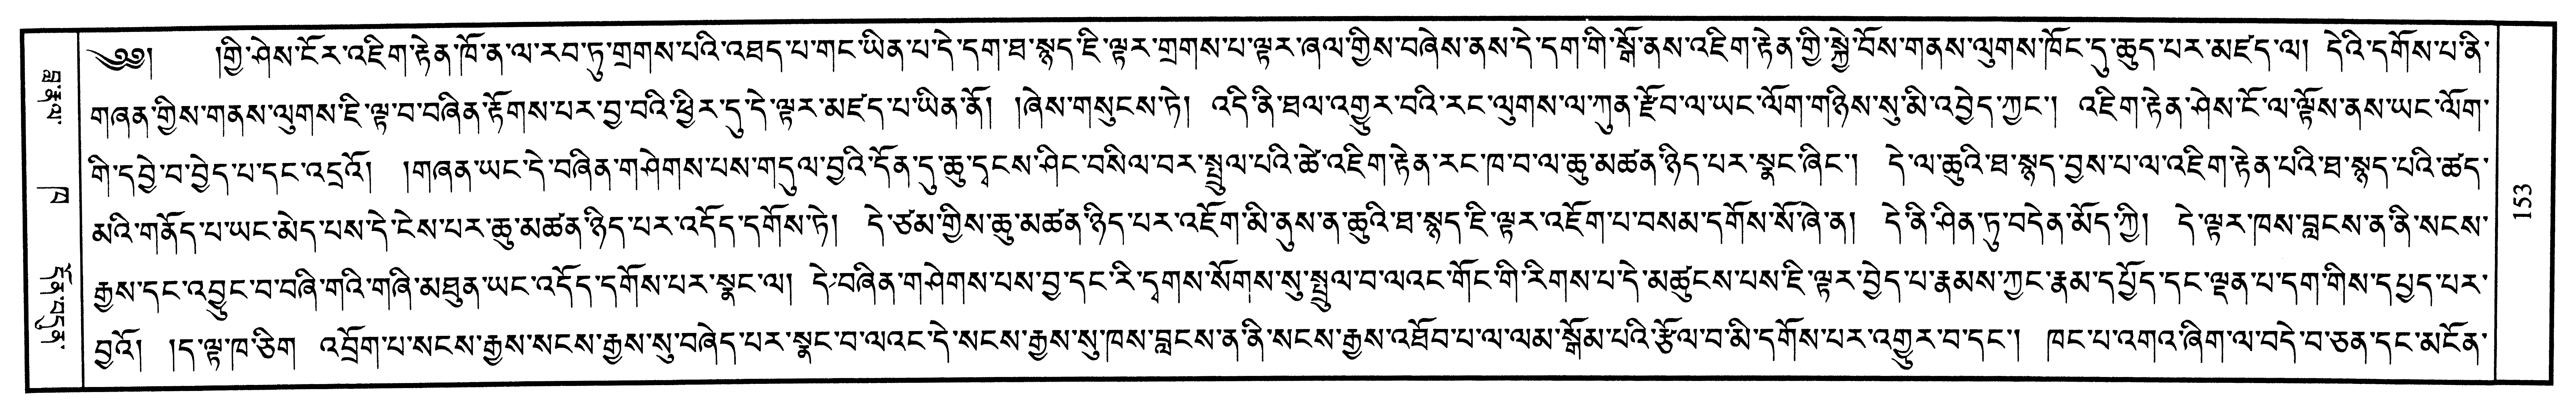༄༅། །གྱི་ཤེས་ངོར་འཇིག་རྟེན་ཁོ་ན་ལ་རབ་ཏུ་གྲགས་པའི་འཐད་པ་གང་ཡིན་པ་དེ་དག་ཐ་སྙད་ཇི་ལྟར་གྲགས་པ་ལྟར་ཞལ་གྱིས་བཞེས་ནས་དེ་དག་གི་སྒོ་ནས་འཇིག་རྟེན་གྱི་སྐྱེ་བོས་གནས་ལུགས་ཁོང་དུ་ཆུད་པར་མཛད་ལ། དེའི་དགོས་པ་ནི་
གཞན་གྱིས་གནས་ལུགས་ཇི་ལྟ་བ་བཞིན་རྟོགས་པར་བྱ་བའི་ཕྱིར་དུ་དེ་ལྟར་མཛད་པ་ཡིན་ནོ། །ཞེས་གསུངས་ཏེ། འདི་ནི་ཐལ་འགྱུར་བའི་རང་ལུགས་ལ་ཀུན་རྫོབ་ལ་ཡང་ལོག་གཉིས་སུ་མི་འབྱེད་ཀྱང་། འཇིག་རྟེན་ཤེས་ངོ་ལ་ལྟོས་ནས་ཡང་ལོག་
གི་དབྱེ་བ་བྱེད་པ་དང་འདྲའོ། །གཞན་ཡང་དེ་བཞིན་གཤེགས་པས་གདུལ་བྱའི་དོན་དུ་ཆུ་དྭངས་ཤིང་བསིལ་བར་སྤྲུལ་པའི་ཚེ་འཇིག་རྟེན་རང་ཁ་བ་ལ་ཆུ་མཚན་ཉིད་པར་སྣང་ཞིང་། དེ་ལ་ཆུའི་ཐ་སྙད་བྱས་པ་ལ་འཇིག་རྟེན་པའི་ཐ་སྙད་པའི་ཚད་
མའི་གནོད་པ་ཡང་མེད་པས་དེ་ངེས་པར་ཆུ་མཚན་ཉིད་པར་འདོད་དགོས་ཏེ། དེ་ཙམ་གྱིས་ཆུ་མཚན་ཉིད་པར་འཇོག་མི་ནུས་ན་ཆུའི་ཐ་སྙད་ཇི་ལྟར་འཇོག་པ་བསམ་དགོས་སོ་ཞེ་ན། དེ་ནི་ཤིན་ཏུ་བདེན་མོད་ཀྱི། དེ་ལྟར་ཁས་བླངས་ན་ནི་སངས་
རྒྱས་དང་འབྱུང་བ་བཞི་གའི་གཞི་མཐུན་ཡང་འདོད་དགོས་པར་སྣང་ལ། དེ་བཞིན་གཤེགས་པས་བྱ་དང་རི་དྭགས་སོགས་སུ་སྤྲུལ་བ་ལའང་གོང་གི་རིགས་པ་དེ་མཚུངས་པས་ཇི་ལྟར་བྱེད་པ་རྣམས་ཀྱང་རྣམ་དཔྱོད་དང་ལྡན་པ་དག་གིས་དཔྱད་པར་
བྱའོ། །ད་ལྟ་ཁ་ཅིག །འབྲོག་པ་སངས་རྒྱས་སངས་རྒྱས་སུ་བཞེད་པར་སྣང་བ་ལའང་དེ་སངས་རྒྱས་སུ་ཁས་བླངས་ན་ནི་སངས་རྒྱས་འཐོབ་པ་ལ་ལམ་སྒོམ་པའི་རྩོལ་བ་མི་དགོས་པར་འགྱུར་བ་དང་། ཁང་པ་འགའ་ཞིག་ལ་བདེ་བ་ཅན་དང་མངོན་